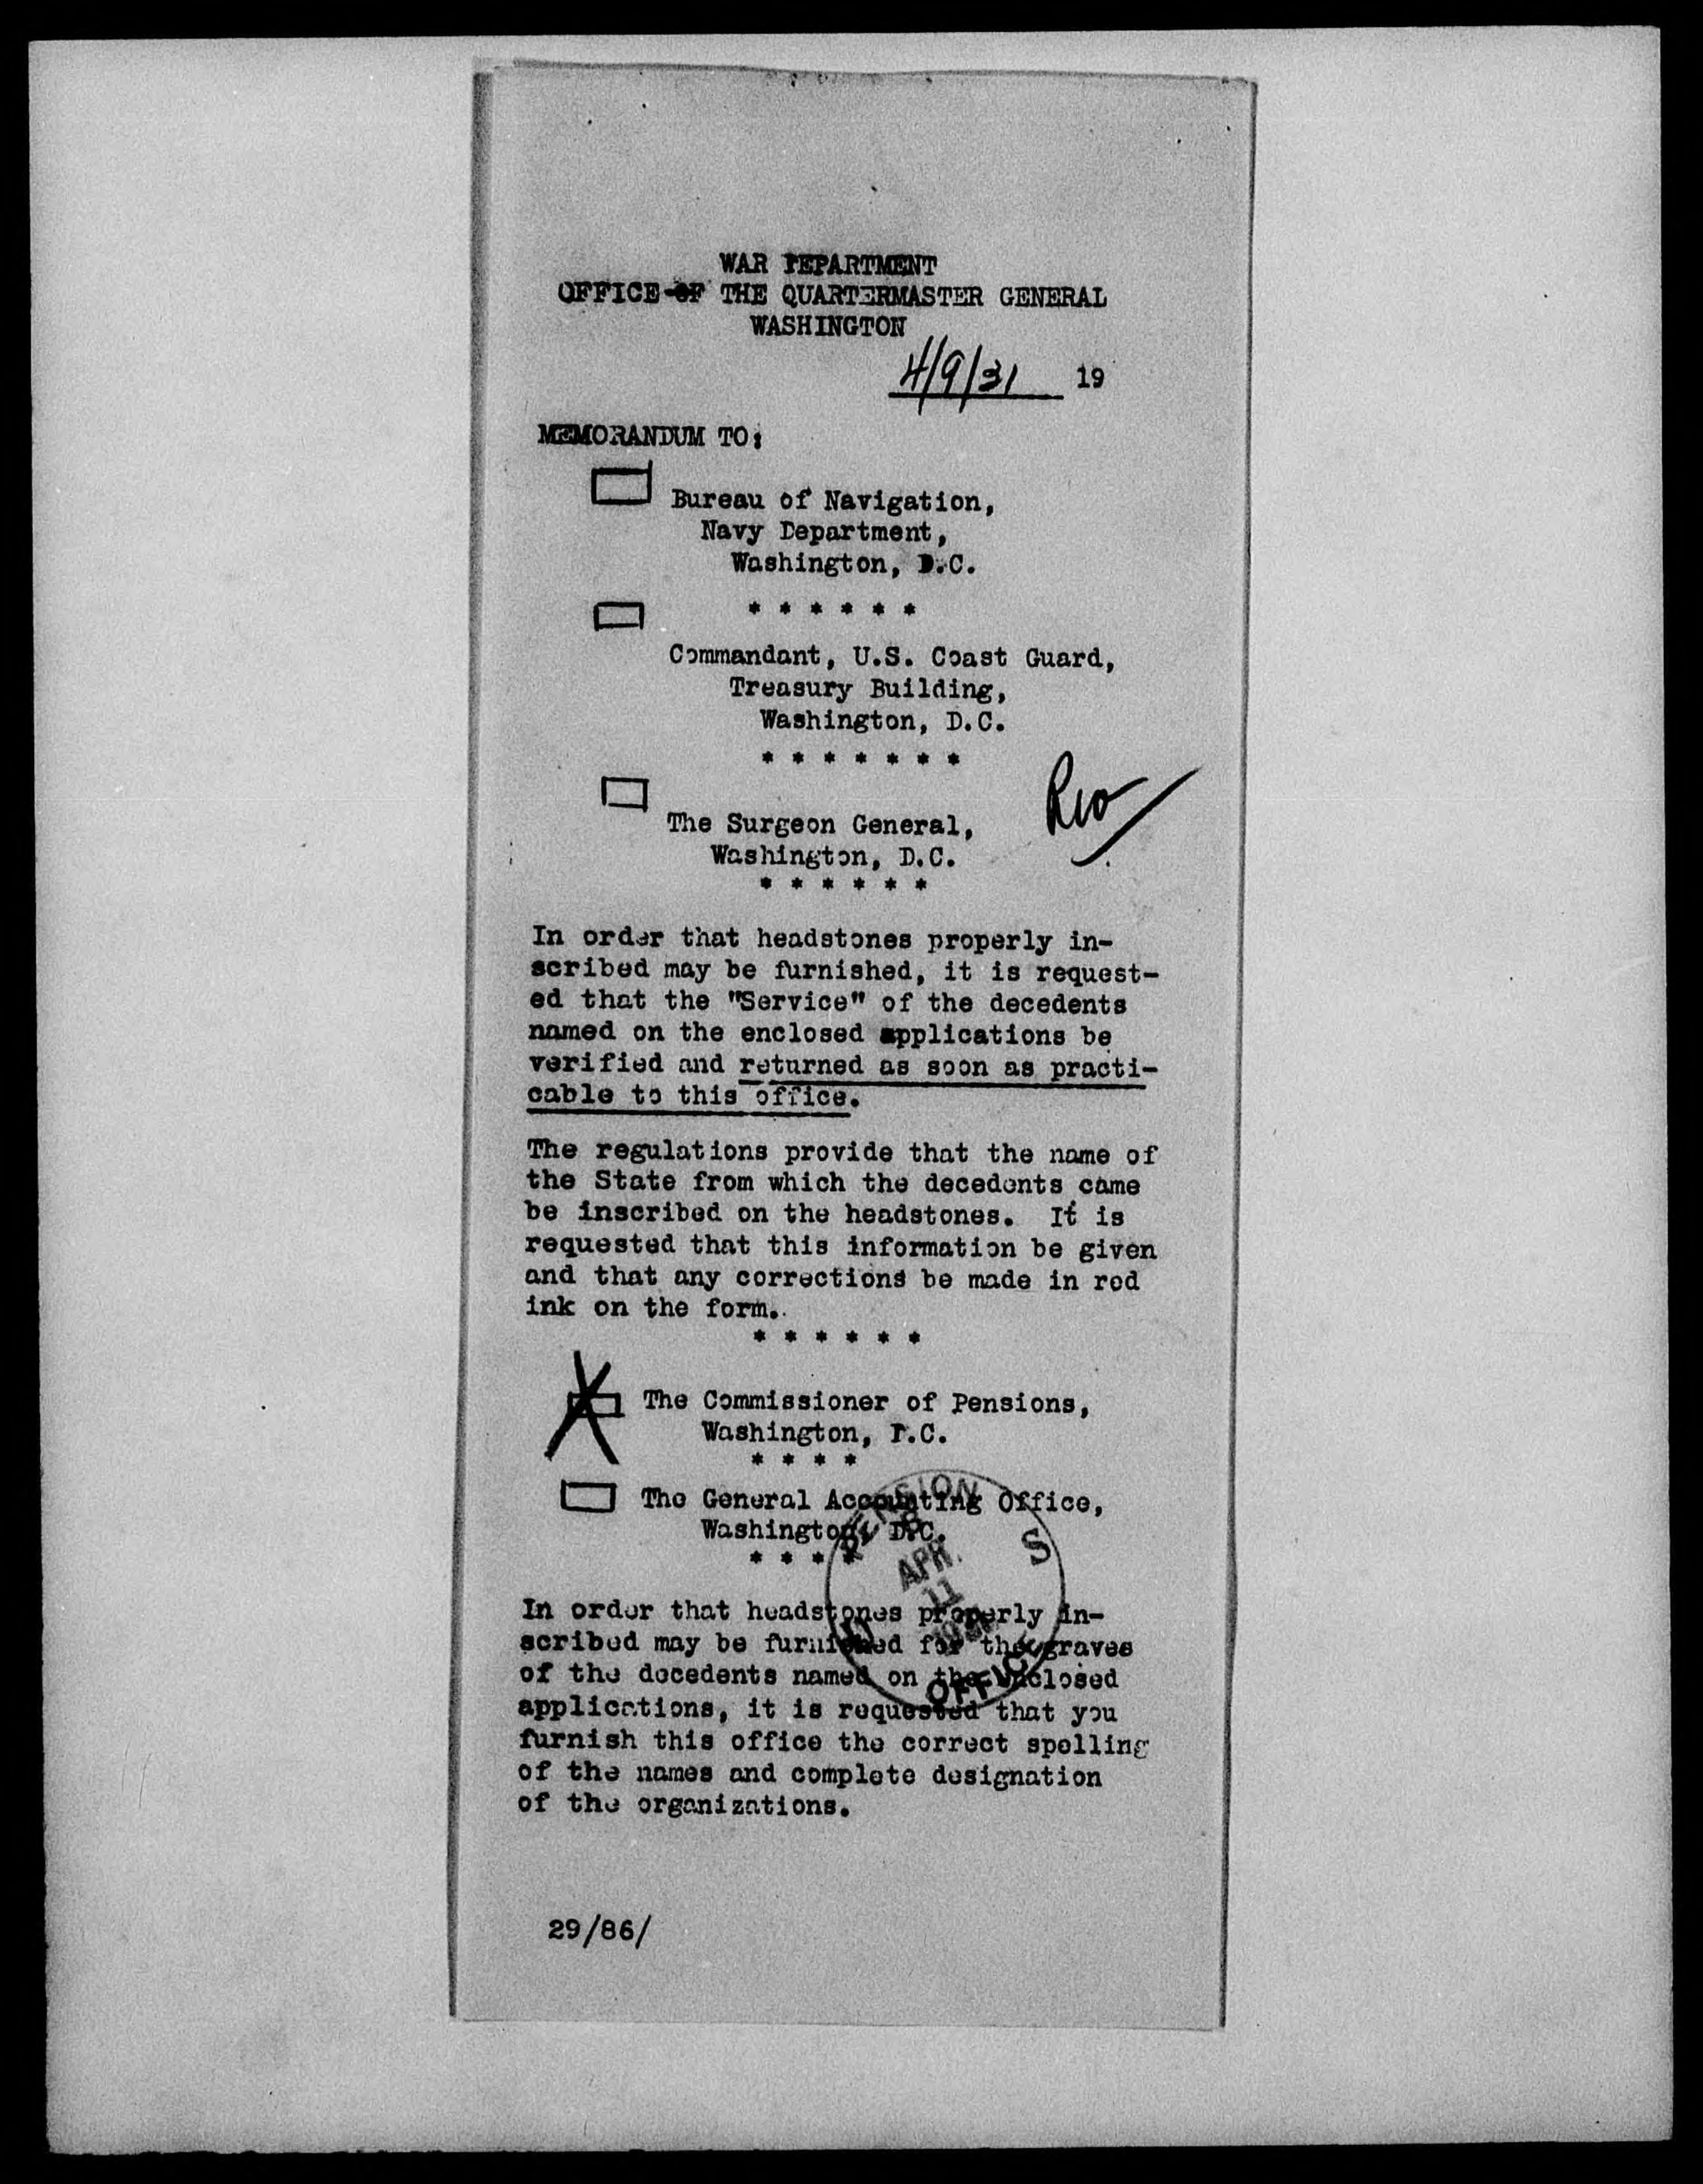WAR DEPARTMENT
OFFICE OF THE QUARTERMASTER GENERAL
WASHINGTON
4/9/31....19
MEMORANDUM TO: 
[box left unchecked] Bureau of Navigation, Navy Department, Washington D.C.
[box left unchecked] Commandant, U.S. Coast Guard, Treasury Building , Washington D.C.
[box left unchecked] The Surgeon General, Washington  D.C
[handwritten initial right hand side] Rw

In order that headstones properly inscribed may be furnished , 
it is requested that the "Service" of the decedents named on the enclosed applications 
be verified and [end of sentence is underlined] returned as soon as practicable to this office.

The regulations provide that the name of the State from which the decedents 
came be inscribed on the headstones. It is requested that this information be given 
and that any corrections be made in red ink on the form.

[checked box] X  The Commissioner of Pensions, Washington D.C.
[unchecked box]The General Accounting Office, Washington  D.C.

In  order that headstones properly inscribed may be furnished 
for the graves the decedents named on the enclosed 
applications, it is requested that you furnish this office the correct spelling
of the names and complete designation of the organizations.

[round black ink seal stamped at bottom]
PENSION OFFICE B US APR 11 1931

29/86/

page: 22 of 30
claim: survivor's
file: S. 31753, John Holman, Va.